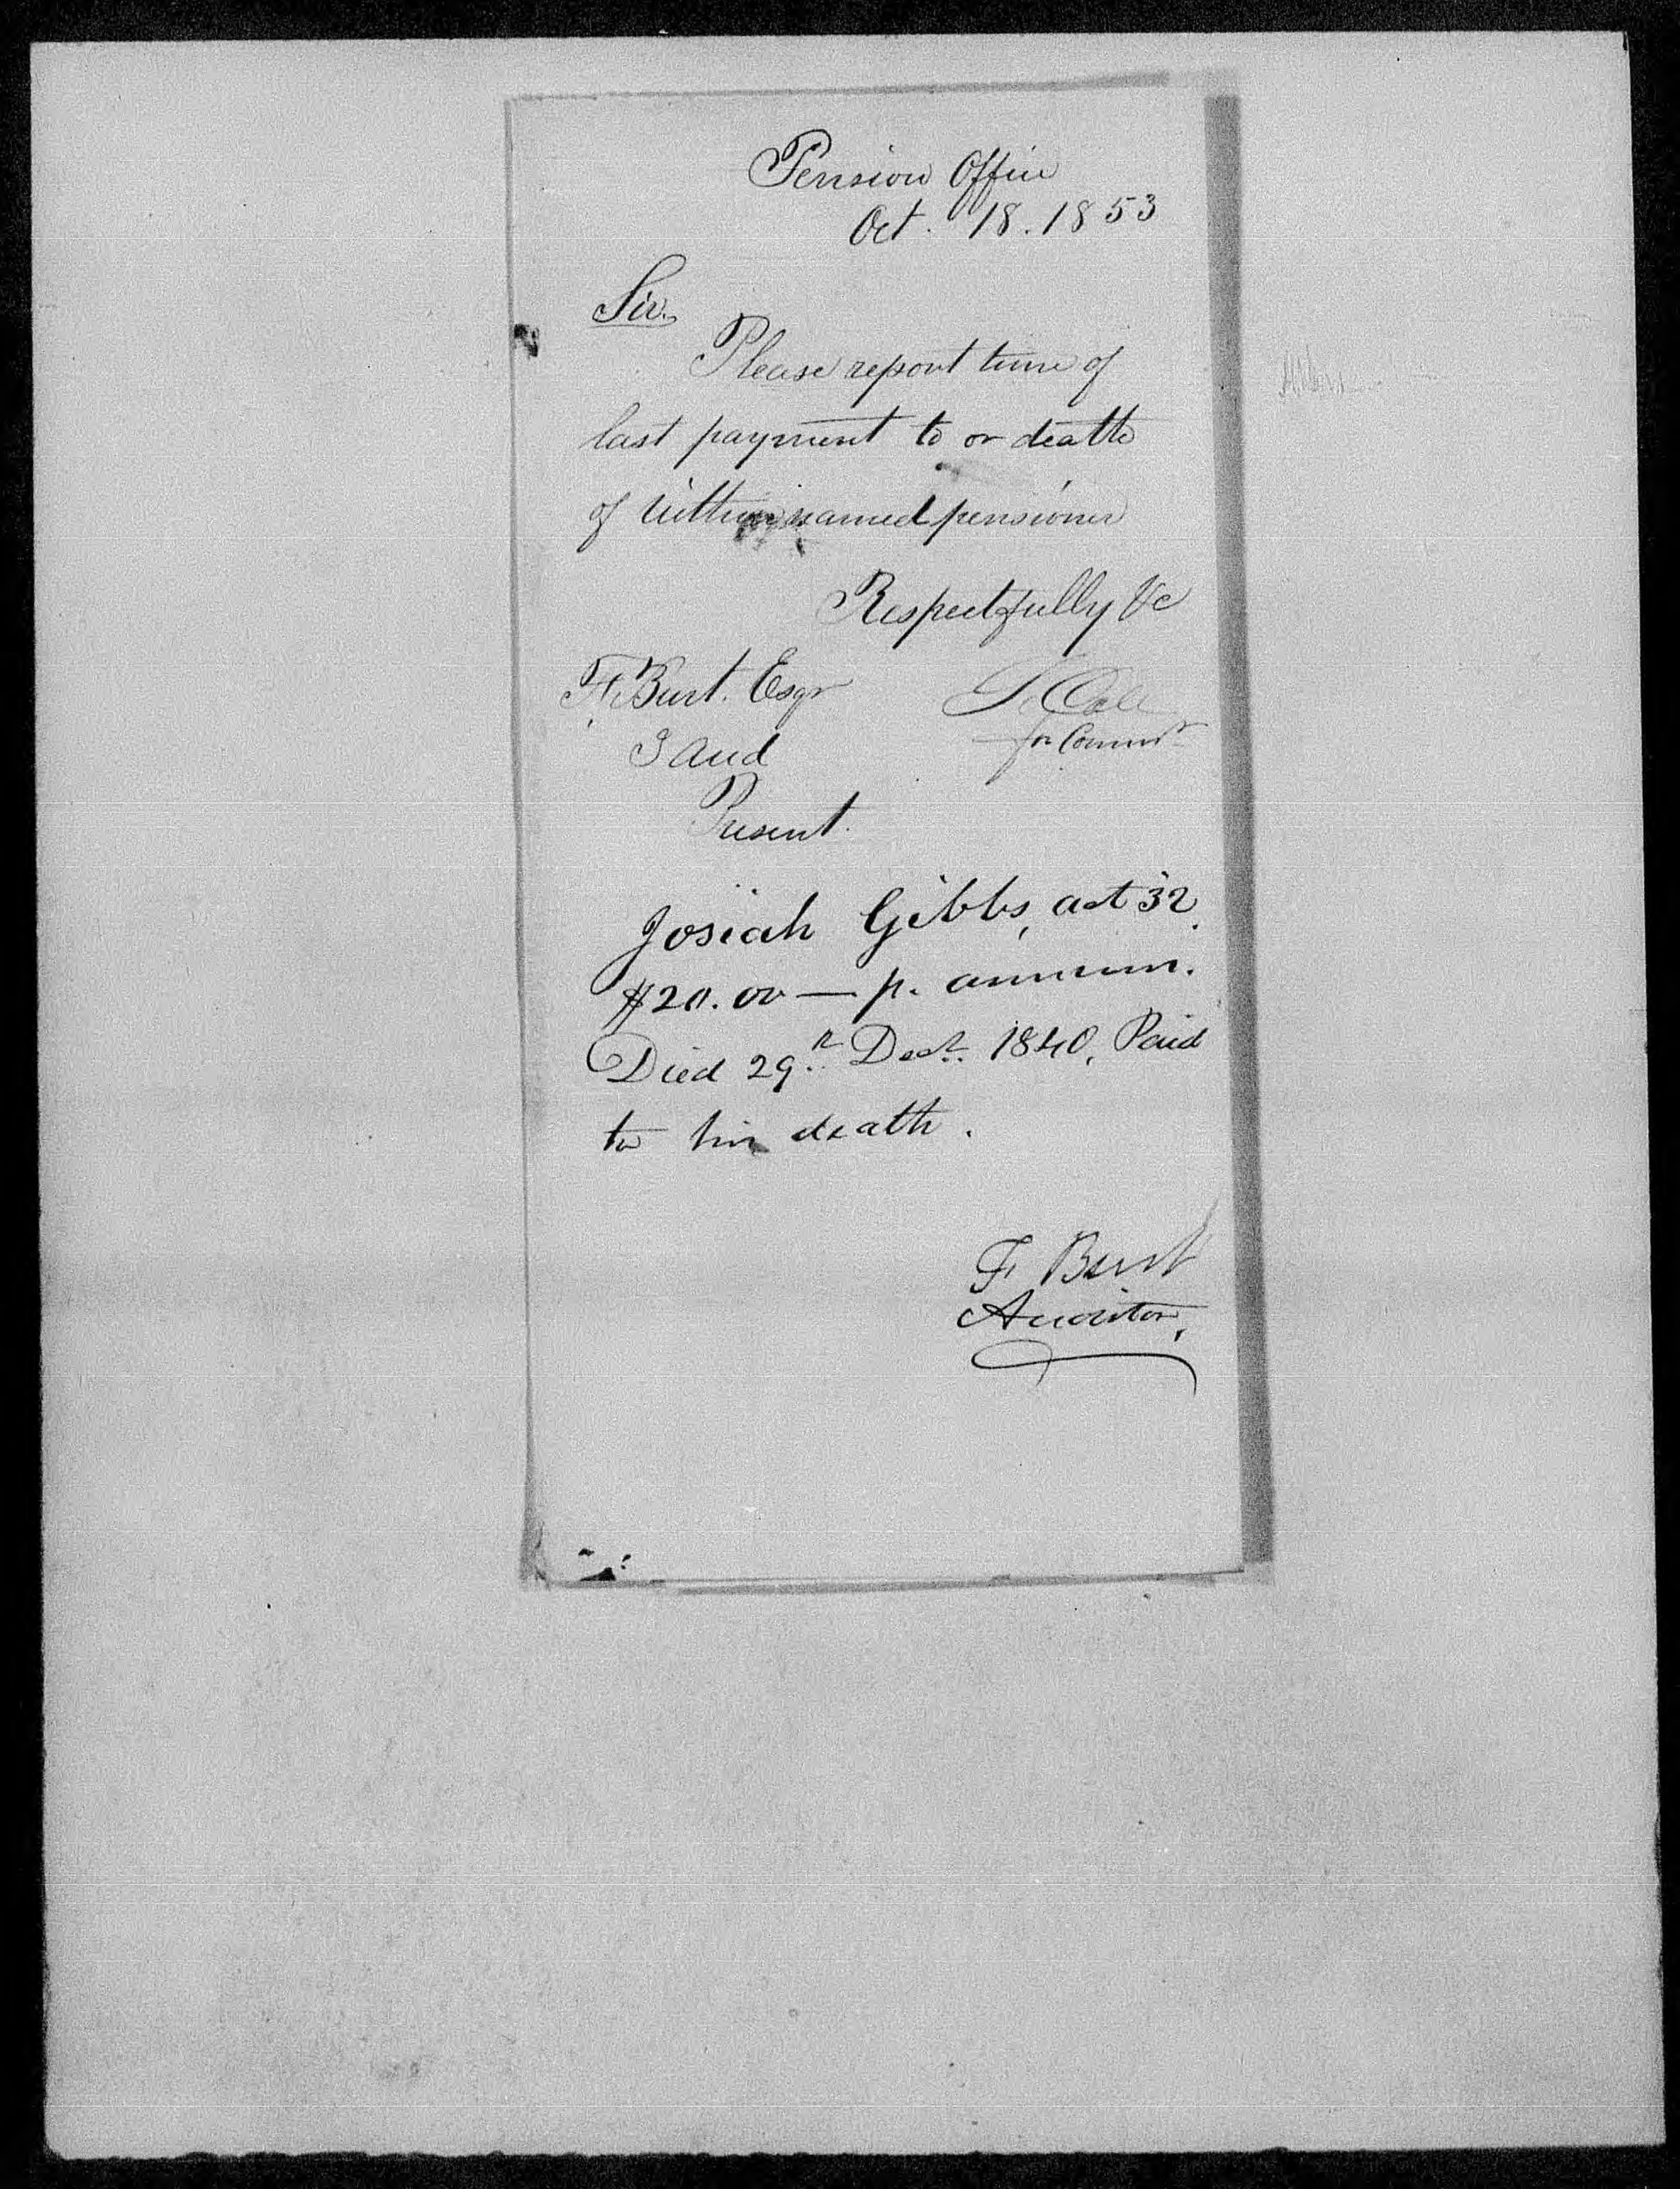Pension Office
Oct. 18, 1853
Sir,
Please report time of last payment to or death
of within named pensioner
Respectfully &c
Burt Esqr
S. Cole
for Commr

F. Burt Esq'r
1 Aud
Present.

Josiah Gibbs Act '32
$20.00 - p. annum
Died 29th Dec'r 1840, Paid
to his death.
F. Burt
Auditor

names: Josiah Gibbs, S Cole, F Burt, F Burt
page: 21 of 33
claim: widow's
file: W. 4681, Josiah Gibbs, Mass